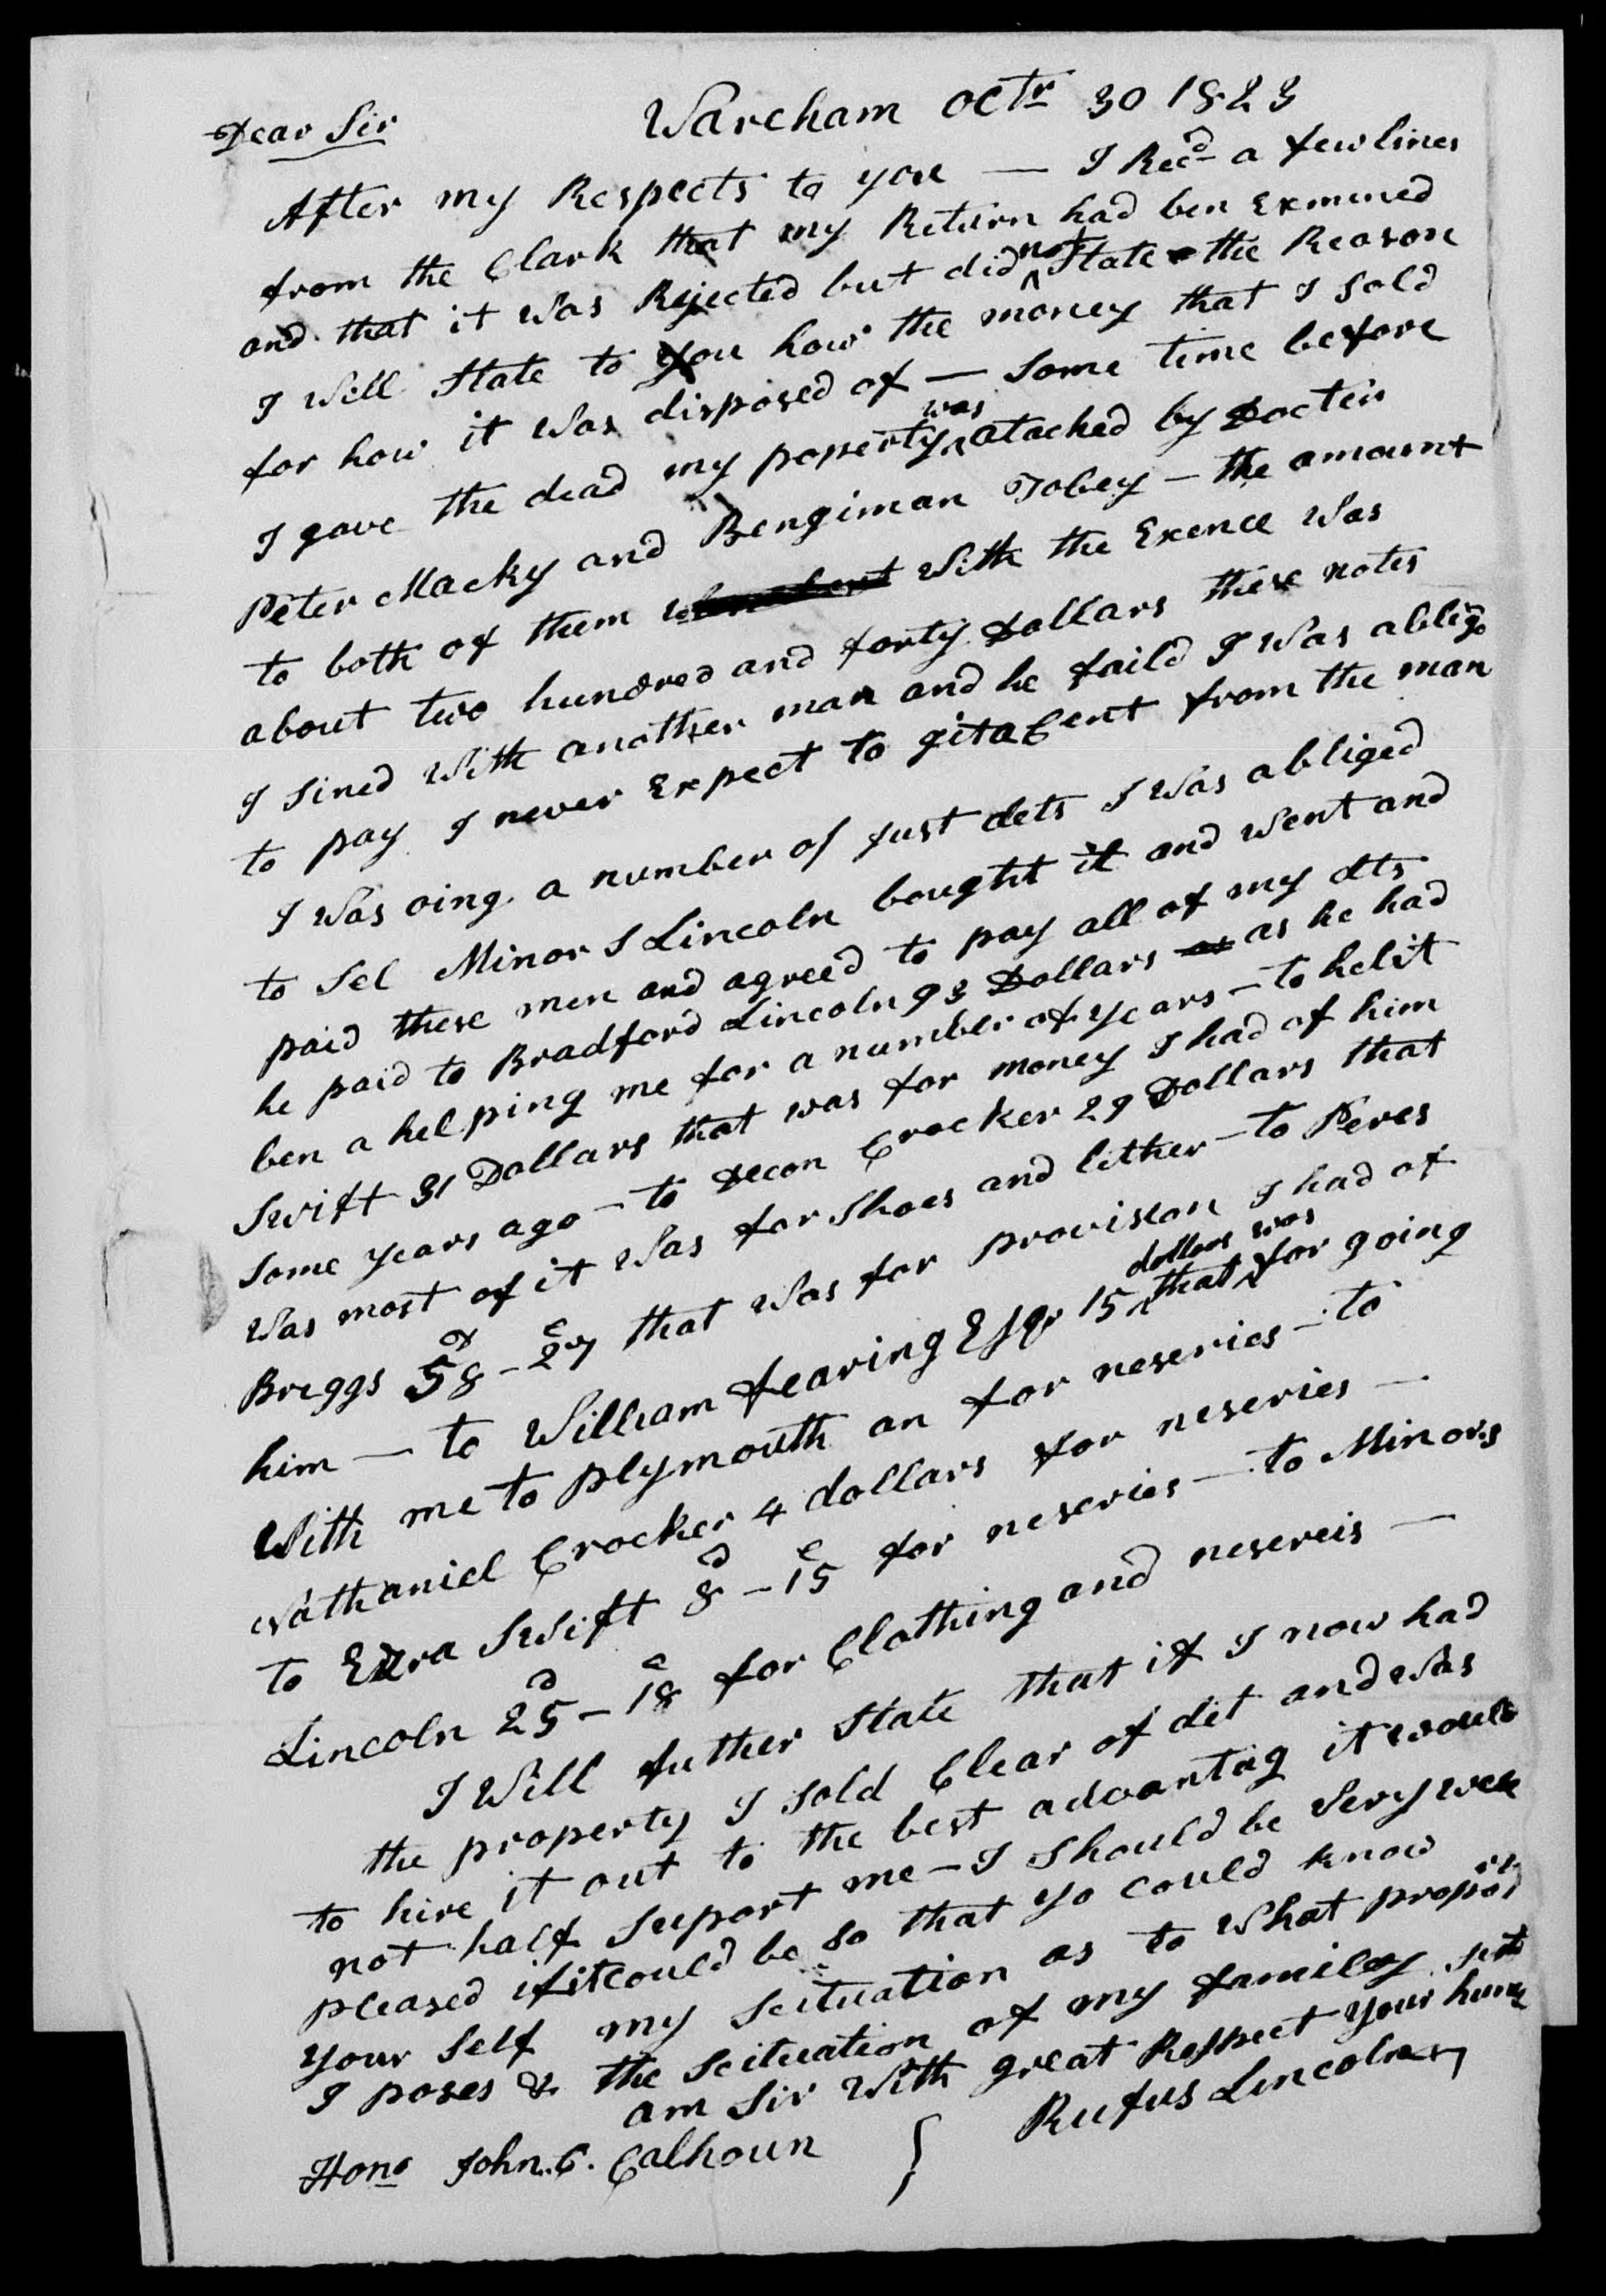Wareham   Octr  30 1823
Dear Sir
After my respects to you-- I Recd a few lines
from the Clark that my Return had ben examined and that it was rejected but did not State the Reason- I will state to you how the money that I sold for how it was disposed of - some time before I gave the deed my property was attached by Doctor Peter Macky and Benjiman Tobey - the amount to both of them
with the Exence was about two hundred and
forty Dollars these notes I sined with another
man and he failed I was able to go to pay I never expect to git a cent from the man I was oing a number of just debts I was obliged to sel Minor S Lincoln bought it and went and paid these men and agreed to pay all of any debts He paid to Bradford Lincoln 93 dollars
as he had ben a helping me for a number of years--to Zelit Swift 31 Dollarsthat was for money I had of him some years ago--to Decon Crocker 29 Dollars that was most of it was for shoes and lither--To Perez Briggs 58.29 that was for provisions I had of him--to William Fearing Esq 15 dollars that was for going with me to Plymouth an for services--to Nathaniel Crocker 4 dollars for services--to Ezra Swift 8.15 for services--to Minor S. Lincoln 25.18 for clothing and services--
I will further state that if I now had the property I sold clear of det and I was to hire it out to the best advantage it would not half suport me--I should be very well pleased if it  could be so that you could know yourself my situation as to what proposal I poses to the situation of any familiarity. I am sir with great respect your humble,    Rufus Lincoln

Hon John C. Calhoun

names: Bradford Lincoln; Minor S Lincoln; Ezra Swift; Peter Macky; Rufus Lincoln; John C Calhoun; Benjiman Tobey; William Fearing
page: 63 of 82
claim: widow's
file: W. 13,634, for Rufus Lincoln, Massachusetts